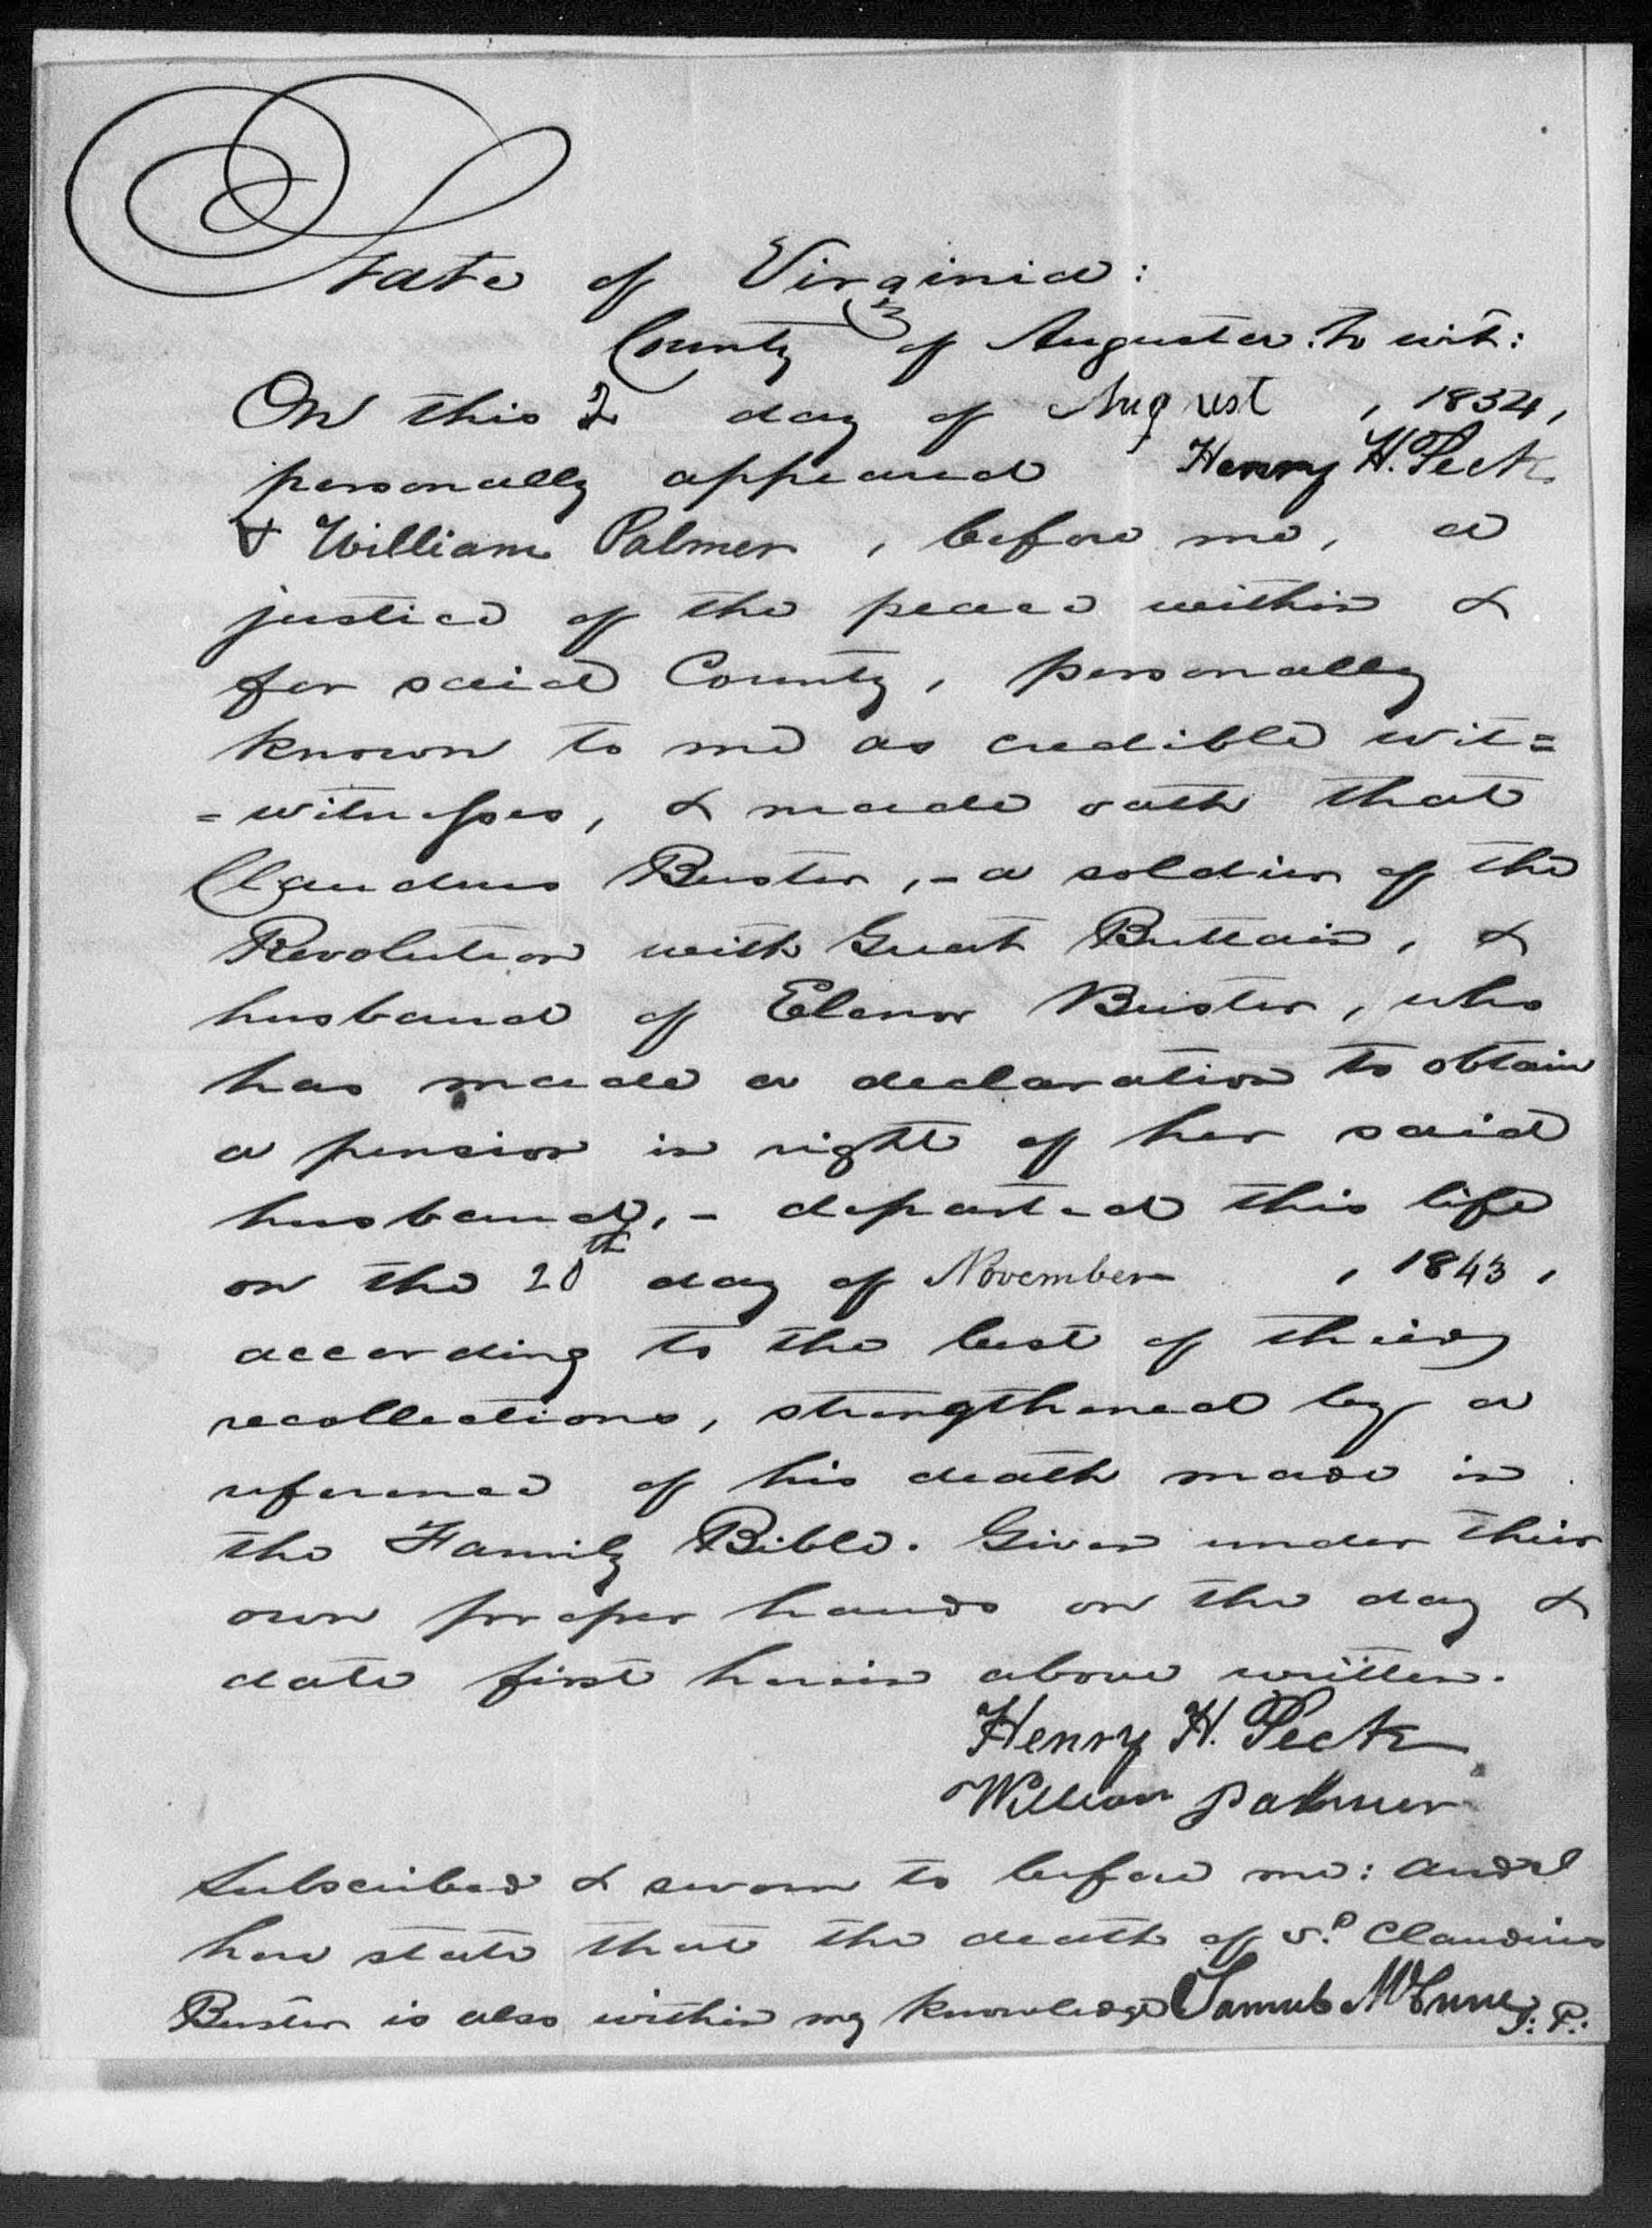State of Virginia:
County of Augusta to wit:

On this 2 day of August, 1854, personally appeared Henry H. Peck & William Palmer, before me, a justice of the peace within & for said County, personally known to me as credible wit=(sic) witnesses, & made oath that Claudius Buster, a soldier of the Revolution with Great Brittain(sic), & husband of Elenor Buster, who has made a declaration to obtain a pension in right of her said husband, departed this life on the 20th day of November, 1843, according to the best of their recollections, strengthened by a reference of his death made in the Family Bible. Given under their own proper hands on the day & date first herein above written.
Henry H. Peck
William Palmer

Subscribed & sworn to before me: and I have stated that the death of s.d Claudius Buster is also within my knowledge
Samuel McCune J. P.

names: Elenor Buster, Samul Mc Cune, Henry H Peck, William Palmer, William Palmer, Claudius Buster, Henry H Peck, Claudius Buster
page: 39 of 71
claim: widow's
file: W. 25310, Claudius Buster, Va.